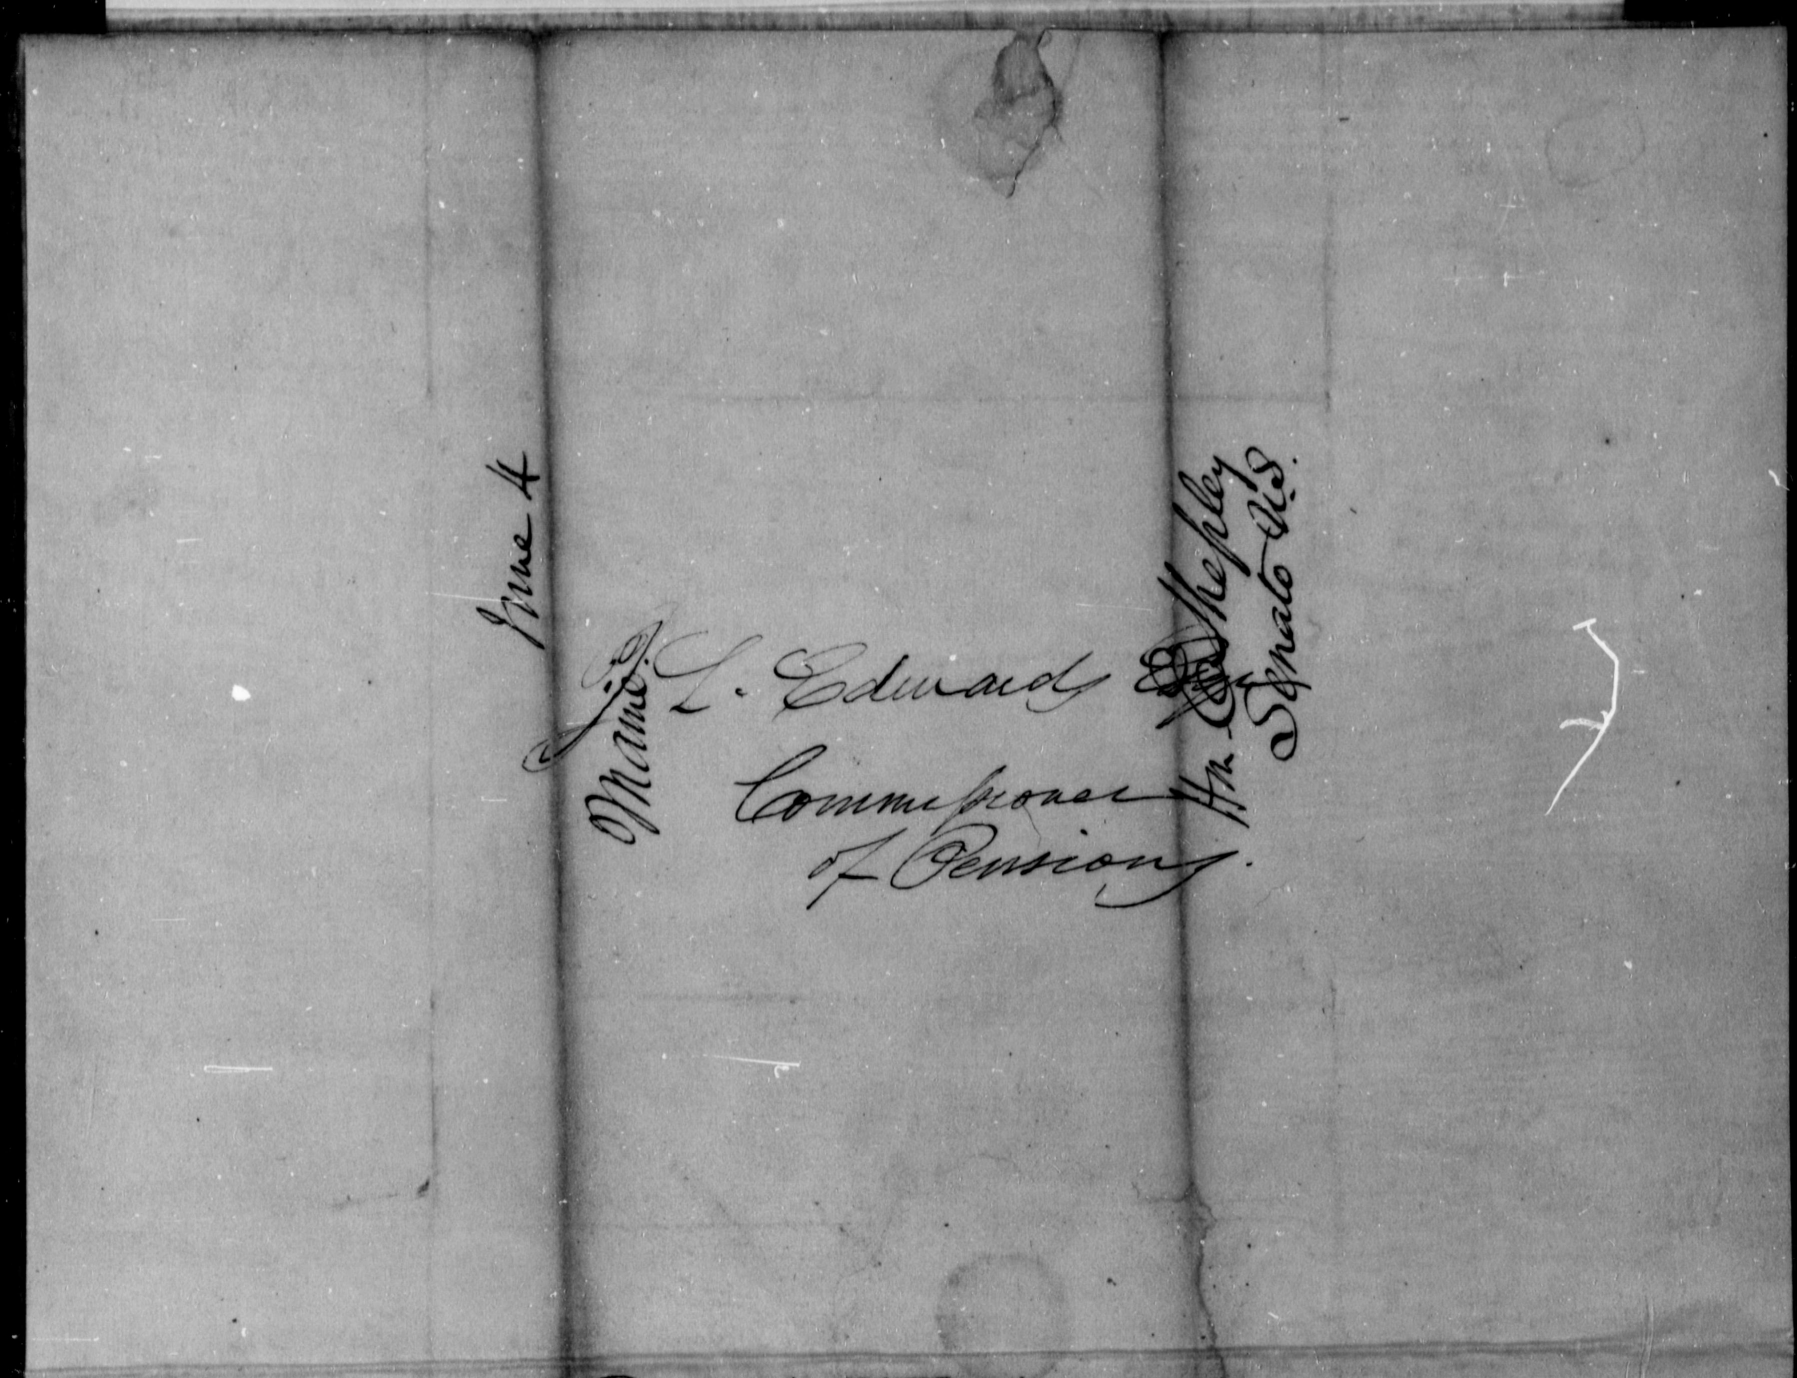[LEFT VERTICAL]
June 4

Maine.

[MIDLE PROPER]
J. L. Edwards
Commissioner
of Pensions.

[RIGHT VERTICAL]
Hon. Esther Shepley
Senate U.S.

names: J L Edwards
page: 51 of 86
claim: survivor's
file: S 29,568, Isaac Abbot, Mass